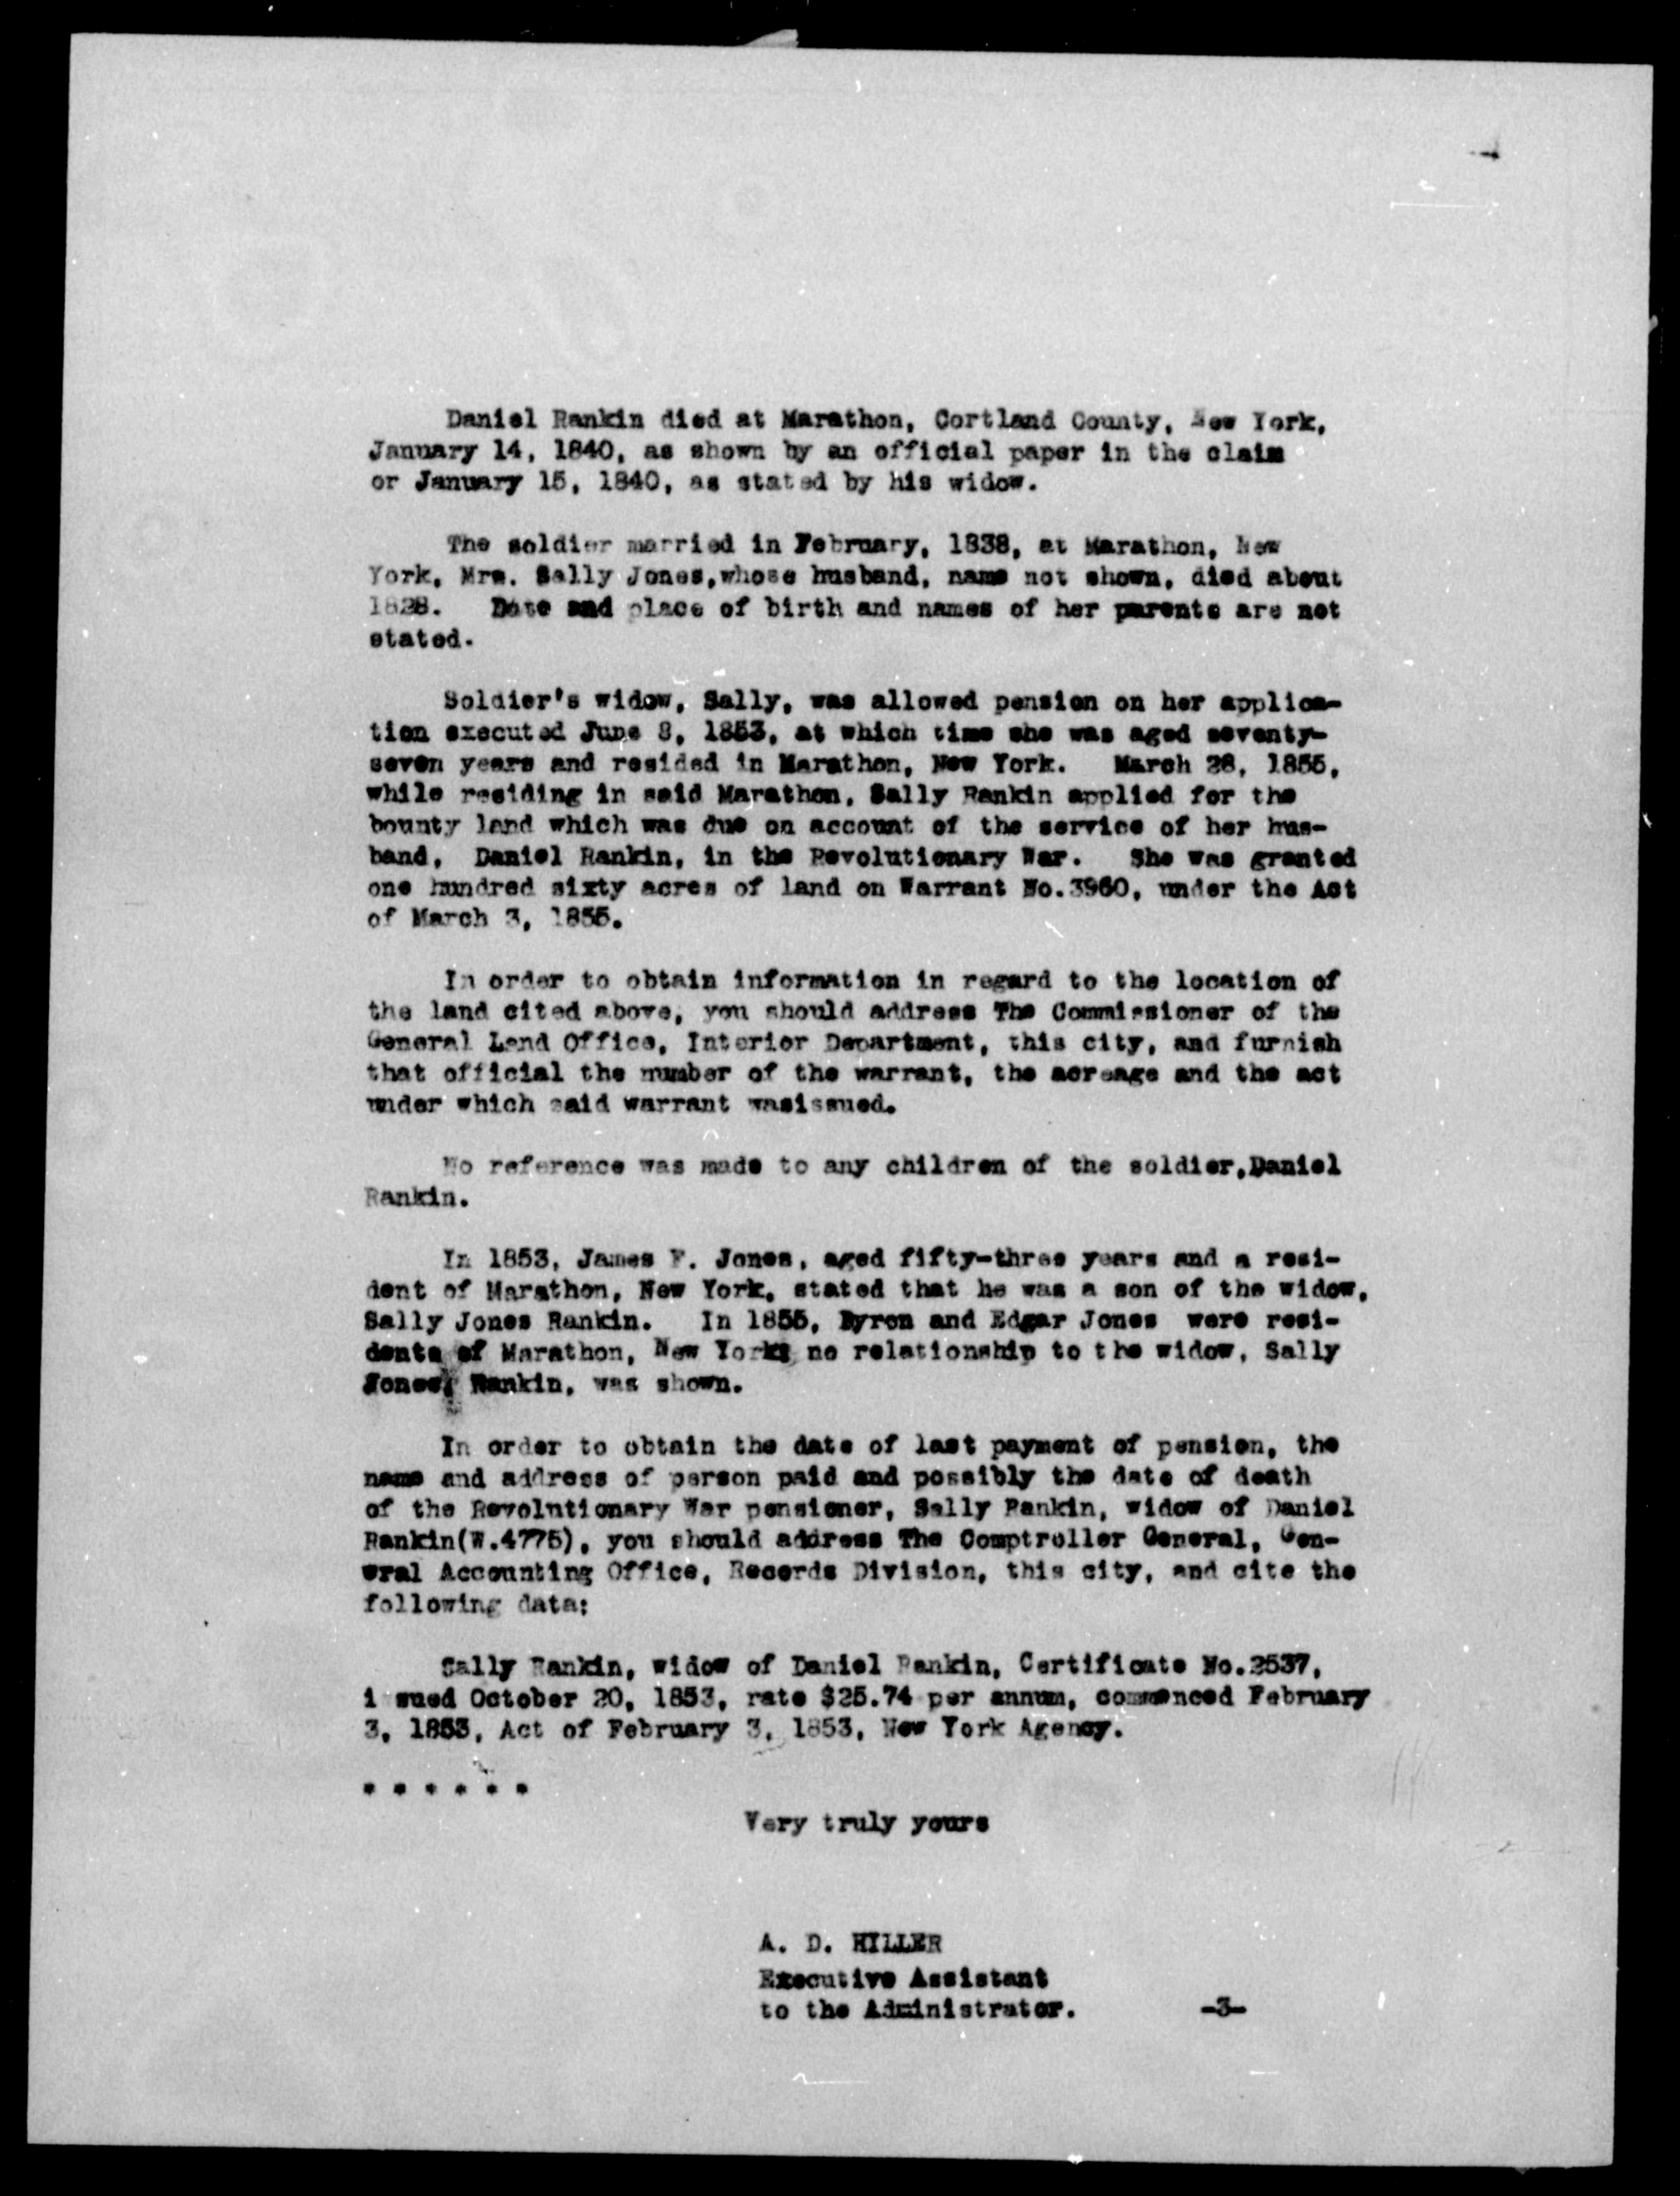Daniel Rankin died at Marathon, Cortland County, New York January 14, 1840, as shown by an official paper in the claim or January 15, 1840, as stated by his widow. 

The soldier married in February 1838, at Marathon, New York. Mrs. Sally Jones, whose husband, names ot shown, died about 1828. Date and place of. birth and names of parents are not stated. 

Soldier's widow, Sally was allowed pension on her application executed June 8, 1853, at which time was aged seventy-seven years and resided in Marathon, New York. March 28, 1855, while residing in said Marathon, Sally Rankin applied for the bounty land which was due on account of the service of her husband, Daniel Rankin, in the Revolutionary War. She was granted one hundred sixty acres of land on Warrant No.3960, under the Act of March 3, 1855. 

In order to obtain information in regard to the location of the land cited above, you should address The Commissioner of the General Land Office, Interior Department, this city, and furnish that official the number of the warrent, the acreage and the act under which said warrant unissued. 

No reference was made to any children of the soldier, Daniel Rankin. 

In, 1853, James F. Jones, aged fifty-three years and a resident of Marathon, New York, stated that he was a son of the widow, Sally Jones Rankin. In 1855, Byron and Edgar Jones were residents of Marathon, New York, no relationship to the widow, Sally Jones Rankin, was shown. 

In order to obtain the date of last payment of pension, the name and address of person paid and possibly the date of death of the Revolutionary War pensioner, Sally Rankin, widow of Daniel Rankin (W.4775), you should address The Comptroller General, General Accounting Office, Records Division, this city, and cite the following data:

Sally Rankin, widow of Daniel Rankin, Certificate No. 3537, issued October 20, 1853, rate $25.74 per annum, commensed February 3, 1865, Act of February 3, 1853, New York Agency. 

Very truly yours,
A.D. HILLER
Executive Assistant
to the Administrator

-3-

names: Daniel Rankin; Daniel Rankin; Sally Jones Rankin; Sally [BLANK]; Sally Rankin; Sally Jones; Sally Rankin; Edgar Jones; A D Hiller; James F Jones; Daniel Rankin; Sally Rankin; Byron Jones; Daniel Rankin; Sally Jones Rankin; Daniel Rankin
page: 27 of 27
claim: survivor's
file: S. 43897, for Daniel Rankin, New York